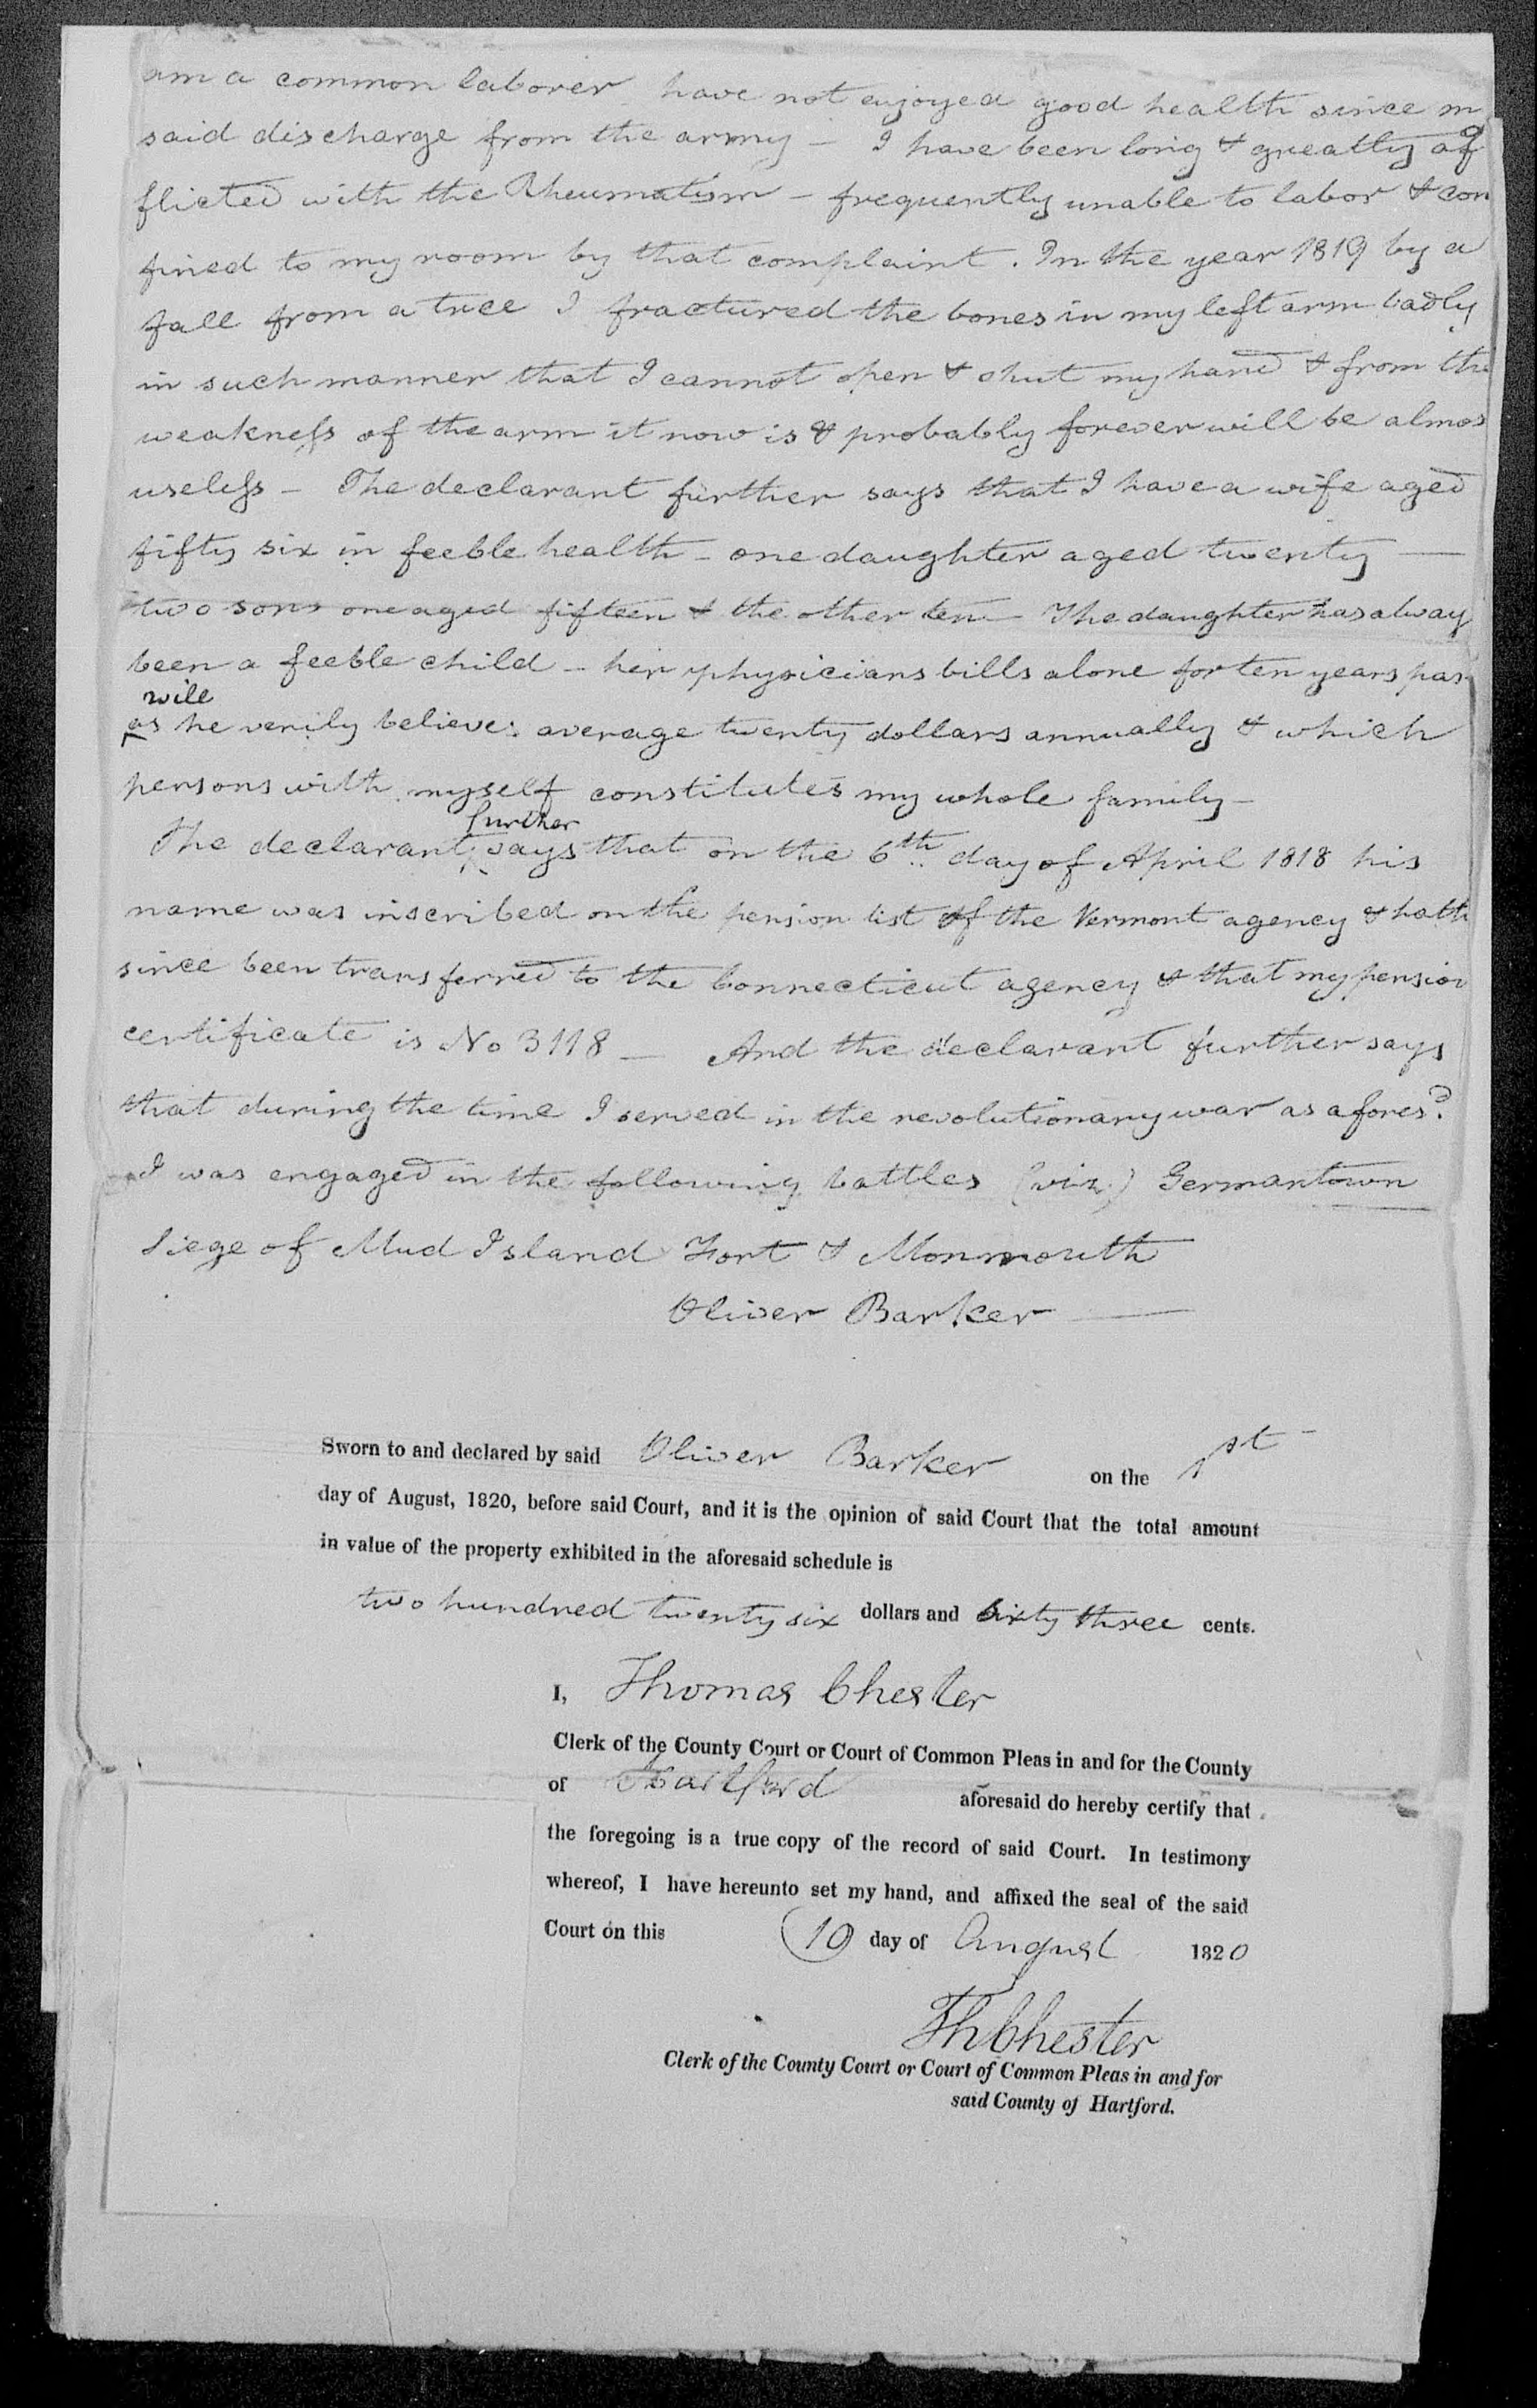am a common laborer have not enjoyed good health since said discharge from the army - I have been long & greatly afflicted with the Rheumatism - frequently unable to labor & confined to my room by that complaint. In the year 1819 by a fall from a trice I fractured the bones in my left arm badly in such manner that I cannot open & shut my hand & from the weakness of the arm it now is & probably forever will be almost useless - The declarant further says that I have a wife aged fifty six in feeble health, one daughter aged twenty two,  sons one aged fifteen & the other ten. The daughter has alway been a feeble child - her physicians bills alone for ten years has will as he verily believe average twenty dollars annually & which persons with myself constitute my whole family- 
The declarant says that on the 6th day of April 1818 his name was inscribed on the pension list of the Vermont agency & hath since been transferred to the Connecticut agency & that my pension certificate is No 3118.  And the declarant further says that during the time I served in the revolutionary war as aforesaid I was engaged in the following battles (viz) Germantown,  siege of Mud Island Fort & Monmouth.  
Oliver Barker
 Sworn to and declared by said Oliver Barker on the 1st day of August, 1820, before said Court, and it is the opinion of said Court that the total amount in value of the property exhibited in the aforesaid schedule is two hundred twenty six dollars and Sixty three cents.  
Thomas Chester Clerk of the County Court or Court of Common Pleas in and for the County of Hartford aforesaid do hereby certify that the foregoing is a true copy of the record of said Court.
In testimony whereof, I have hereunto set my hand, and affixed the seal of the said Court on this 19 day of August 1820.
Tho Chester 
Clerk of the County Court or Court of Common Pleas of said County of Hartford.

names: Thomas Chester, Tho Chester, Oliver Barker, Oliver Barker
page: 17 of 51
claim: widow's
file: W. 1698, Oliver Barker, Conn.